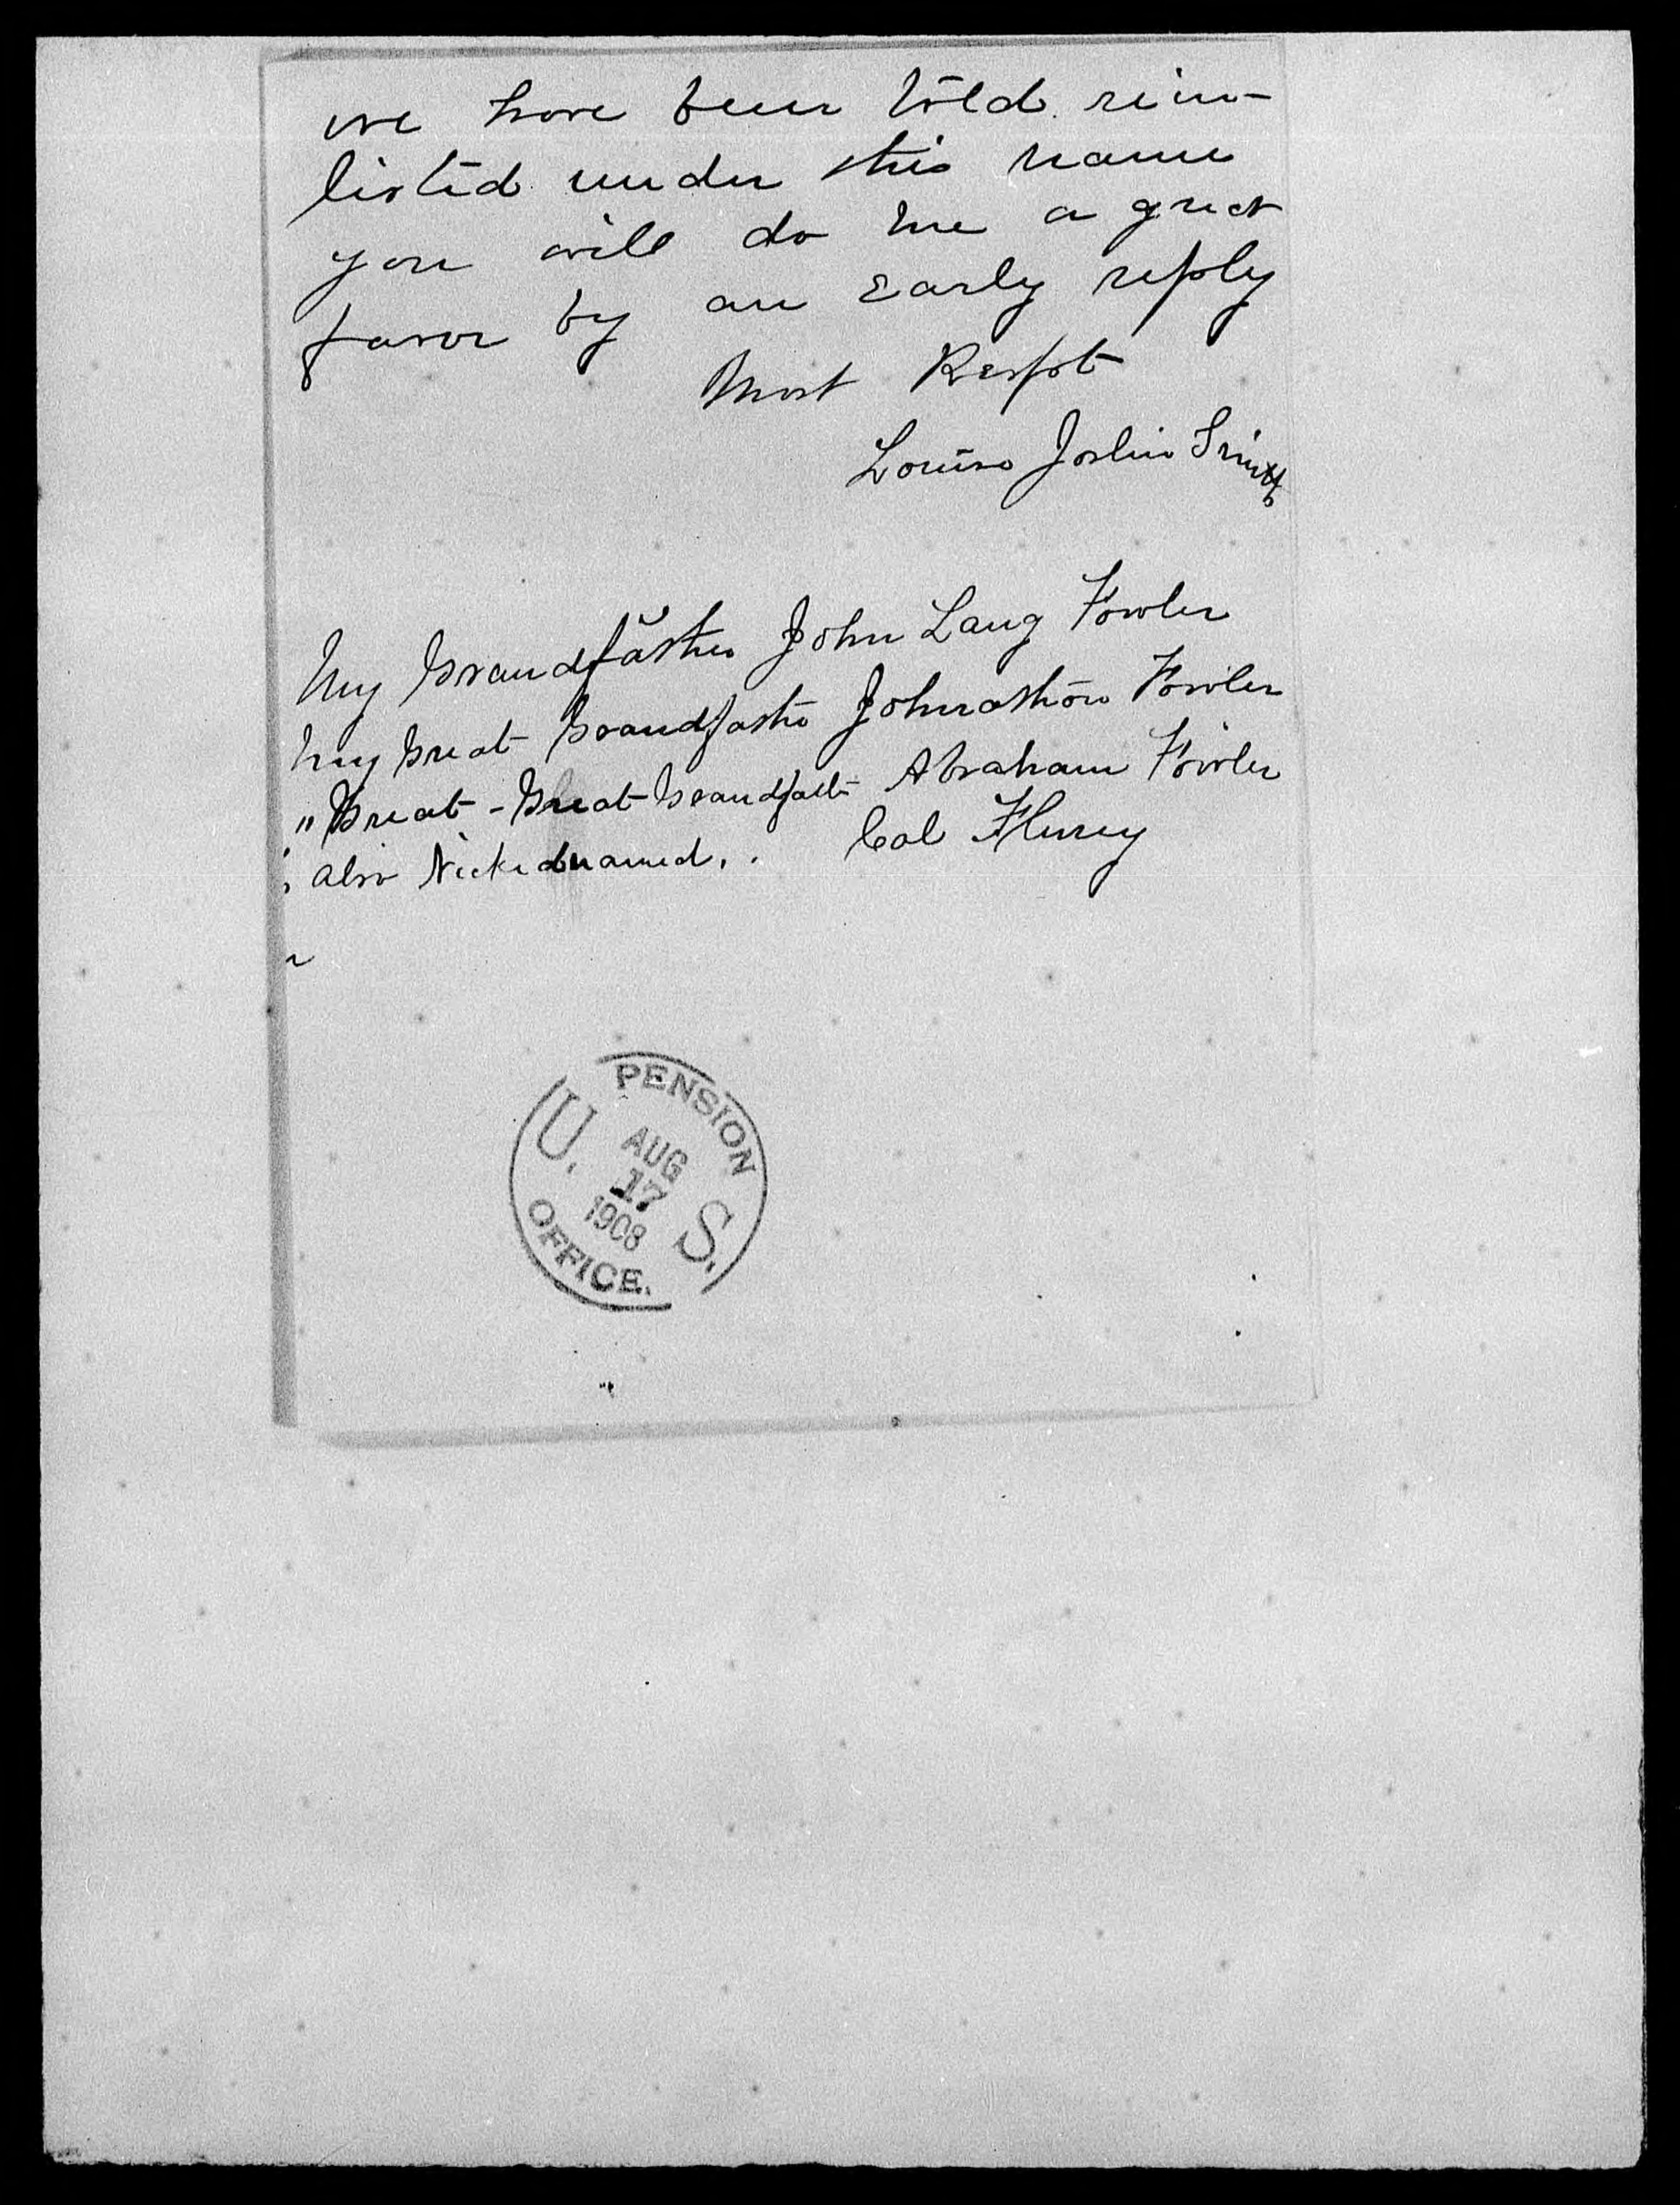we have been told he inlisted under this name. You will do me a great favor by an early reply.
Most Respt Louise Joslin Smith

My Grandfather John Lang Fowler
My Great Grandfather Johnathan Fowler
My Great-Great Grandfather Abrahm Fowler
also nicked named Col. Flurey

Pension Office U.S. Aug 17 1908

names: Johnathan Fowler, Louise Joslin Smith, Abraham Fowler, John Lang Fowler, Flurey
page: 15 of 44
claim: survivor's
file: S. 23639, Jonathan Fowler, New York